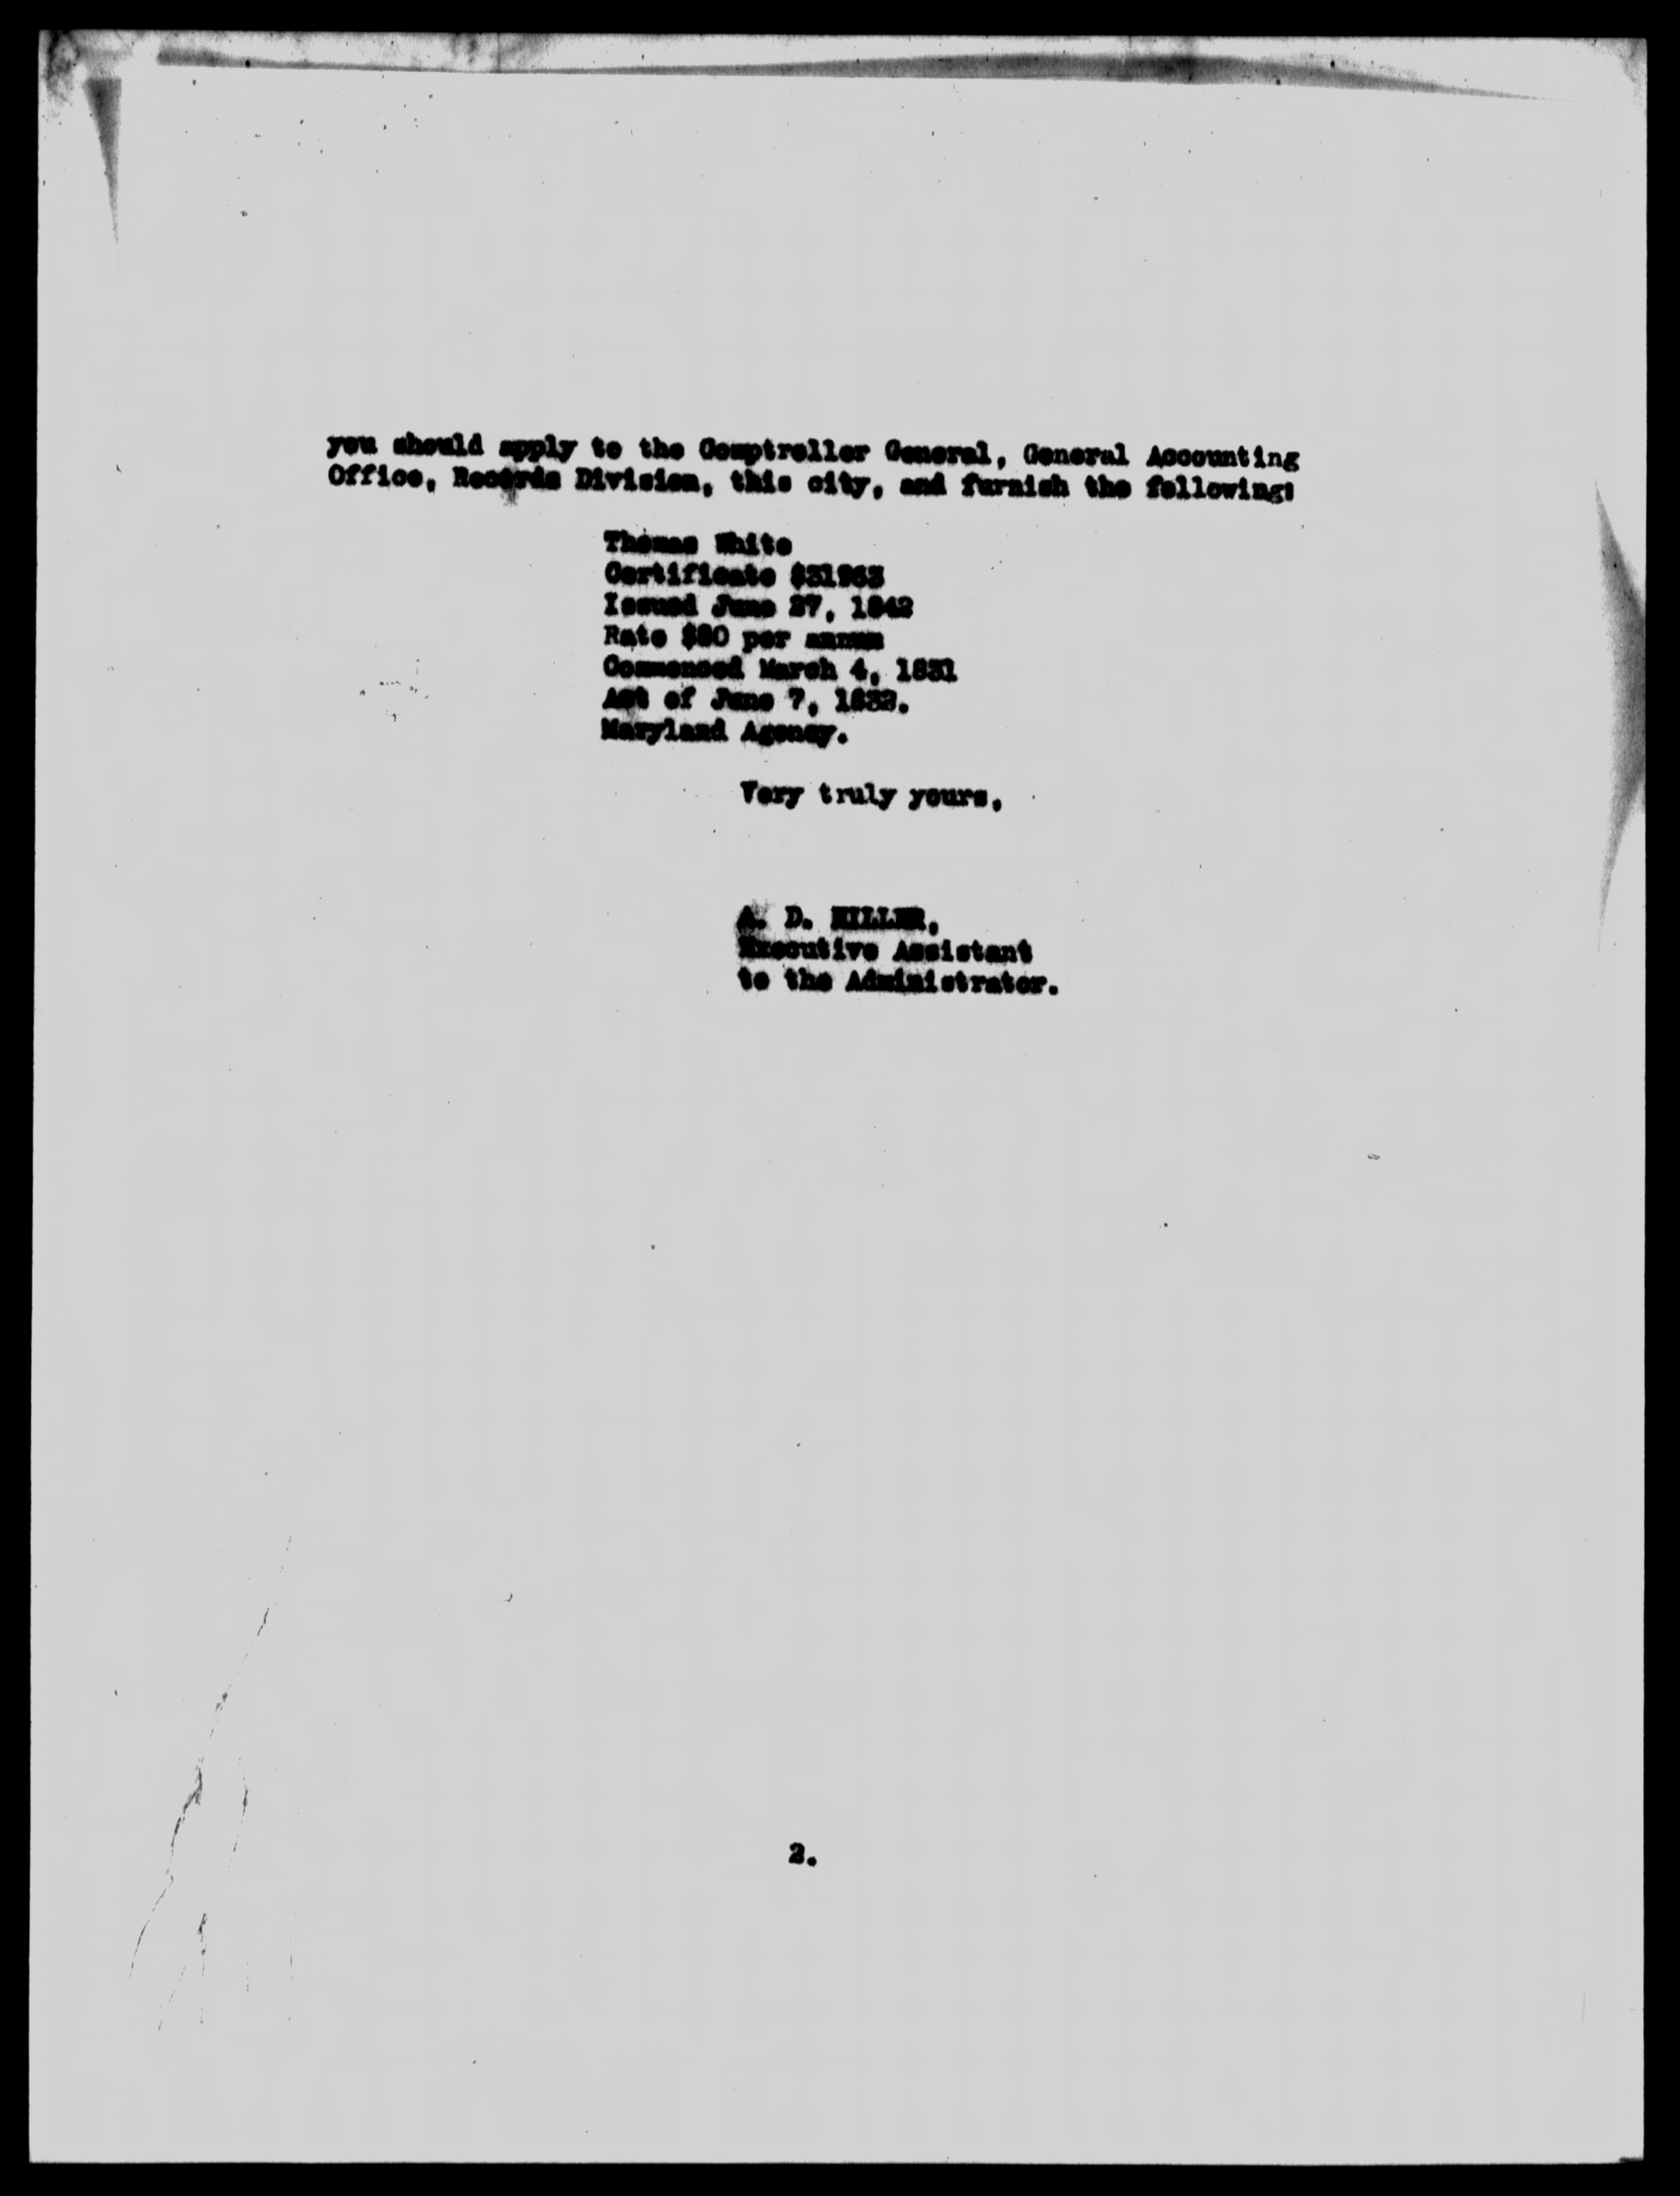you should apply to the Comptroller General, General Accounting 
Office, Records Division, this city, and furnish the following:

Thomas White
Certificate #31963
Issued June 17, 1842
Rate $80 per annum
Commenced March 4, 1831
Act of June 7, 1842.
Maryland Agency.

Very truly yours,

A. D. HILLER,
Executive Assistant 
to the Administrator.


2.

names: Thomas White, A D Hiller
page: 35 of 43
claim: survivor's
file: S. 15240, Thomas White, Md.